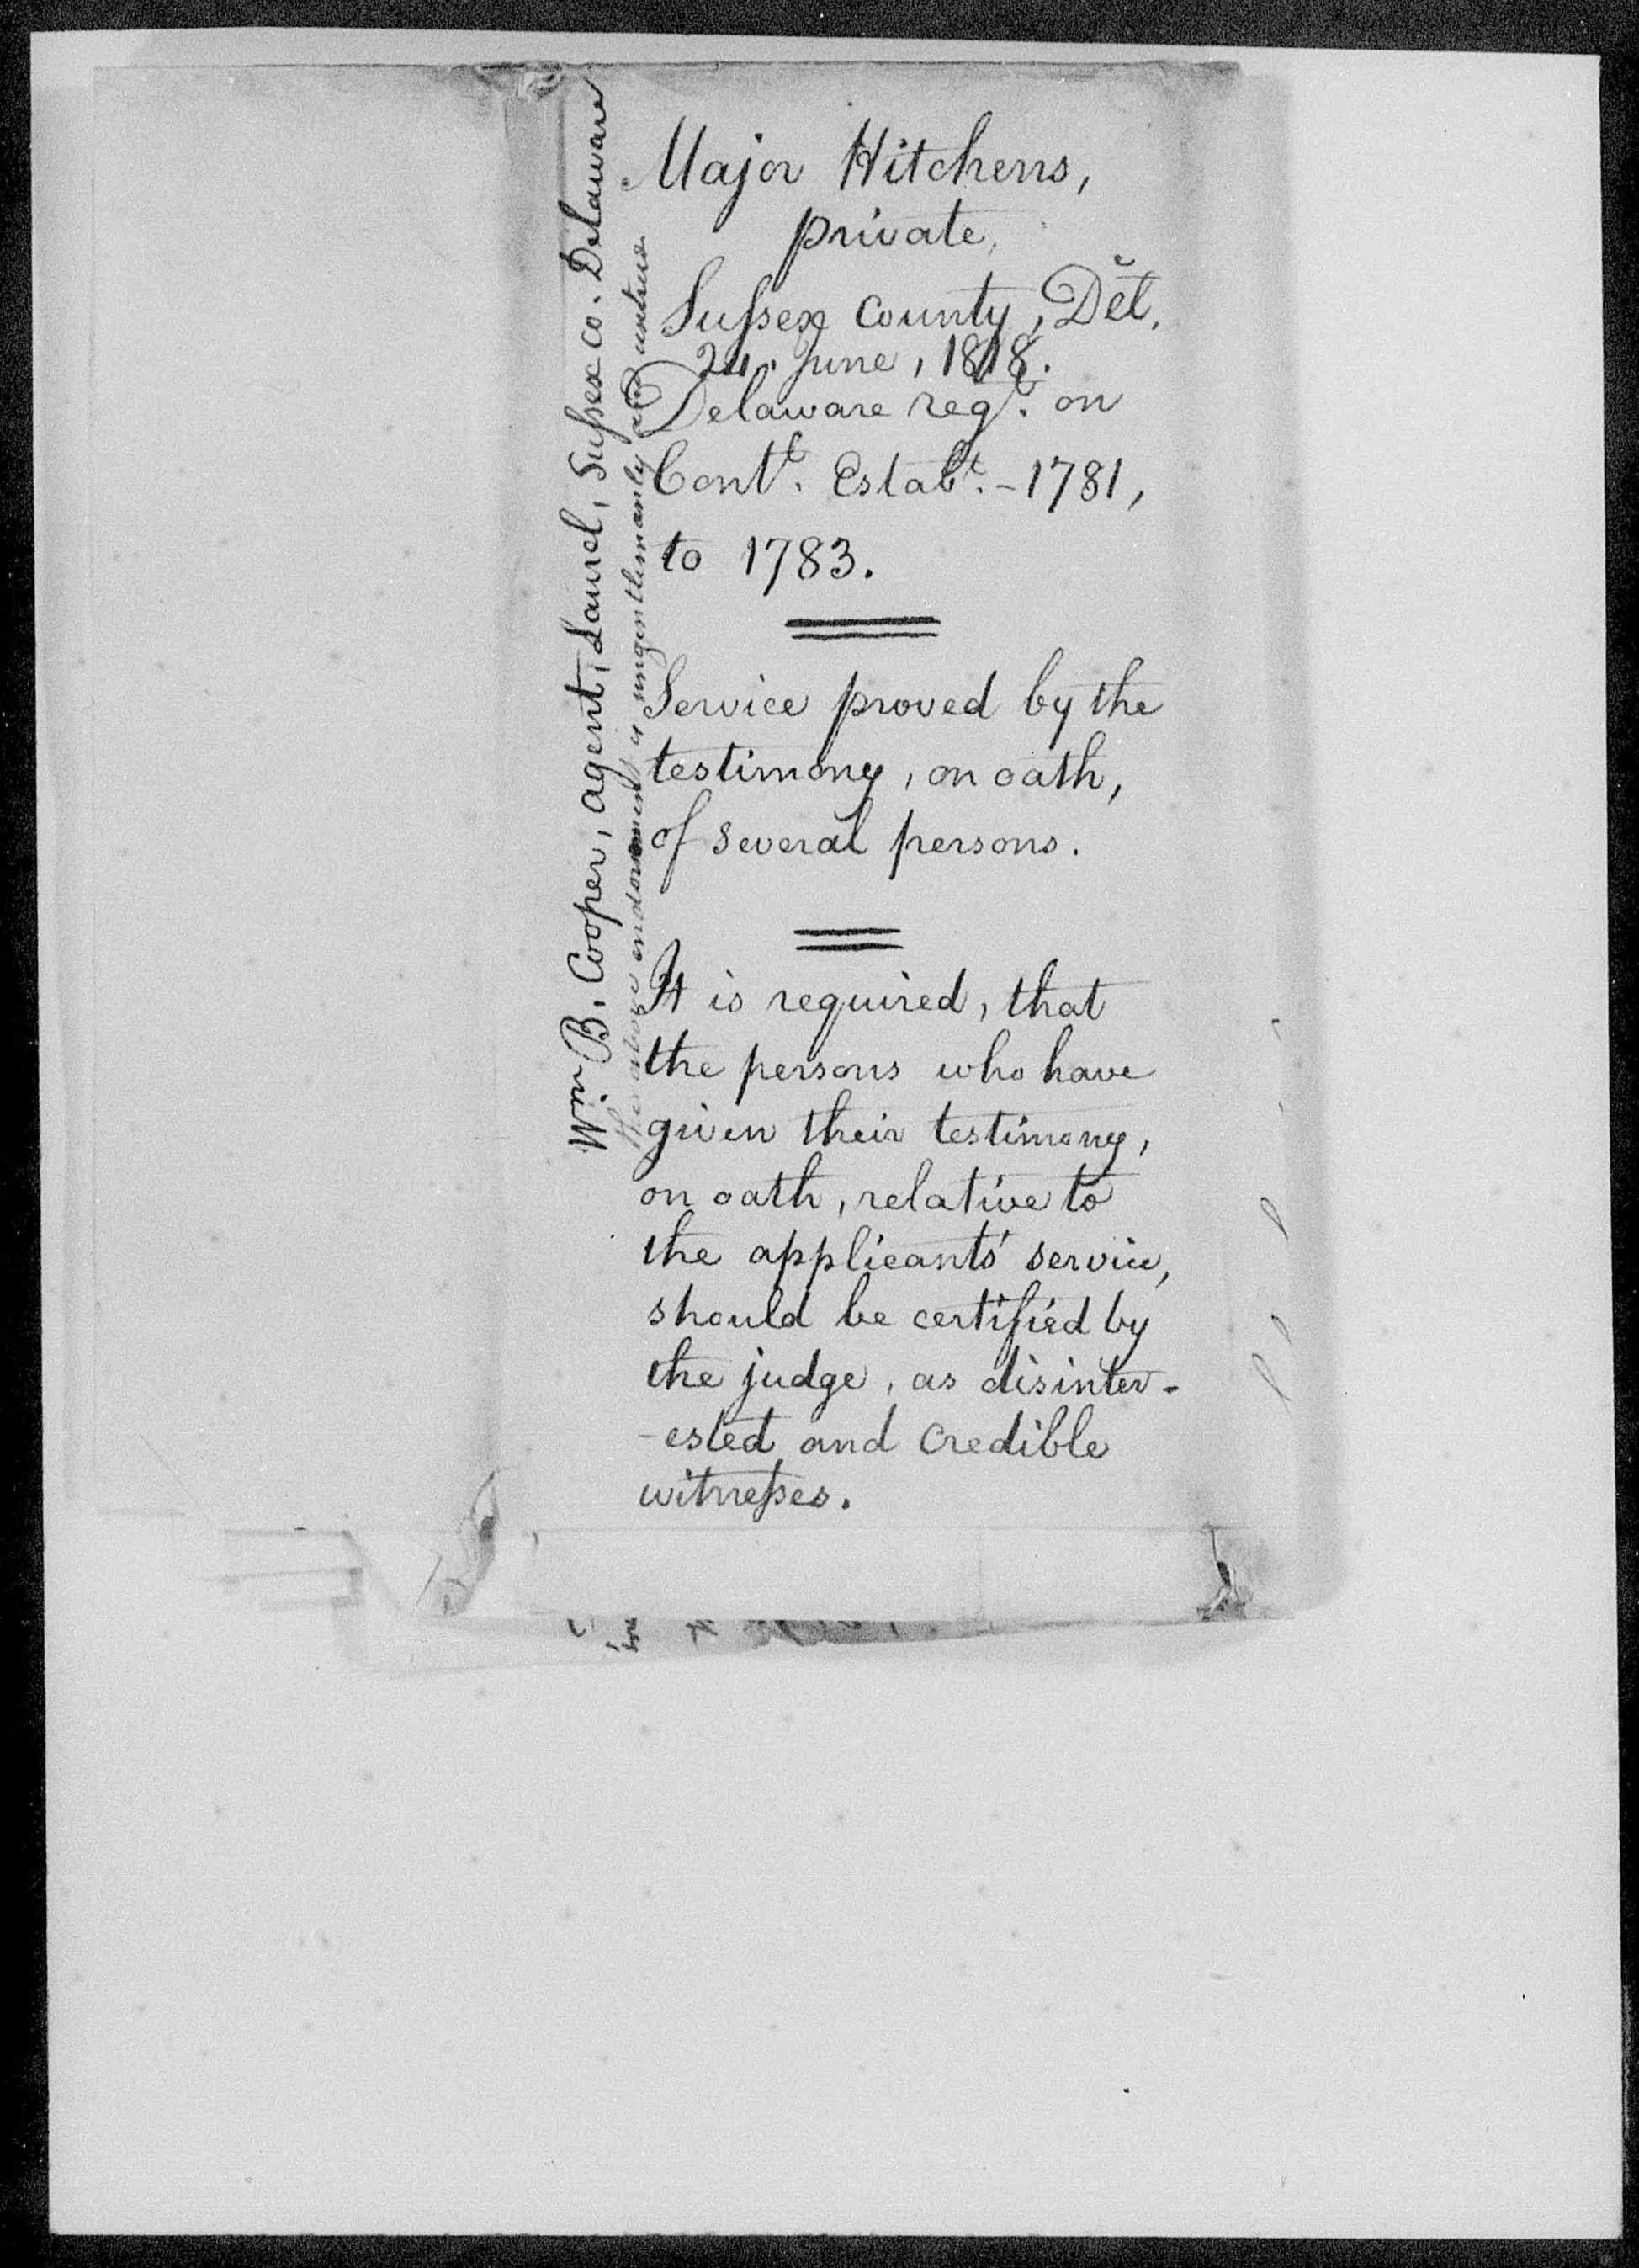[along the left side]
Wm. B. Cooper, agent, Laurel, Sussex co. Delaware
the above endorsement is ungentlemanly and untrue

Major Hitchens,
private,
of
Sussex County, Del.
24 June, 1818
Delaware Regt. on
Contl. Estabt. 1781,
to 1783.

Service proved by the
testimony, on oath
of several persons

It is required, that
the persons who have
given their testimony,
on oath, relative to
the applicants service,
should be certified by
the judge, as disinterested
and credible
witnesses.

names: Wm B Cooper, Major Hitchens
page: 5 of 21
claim: survivor's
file: S. 36017, Major Hitchens, Del.